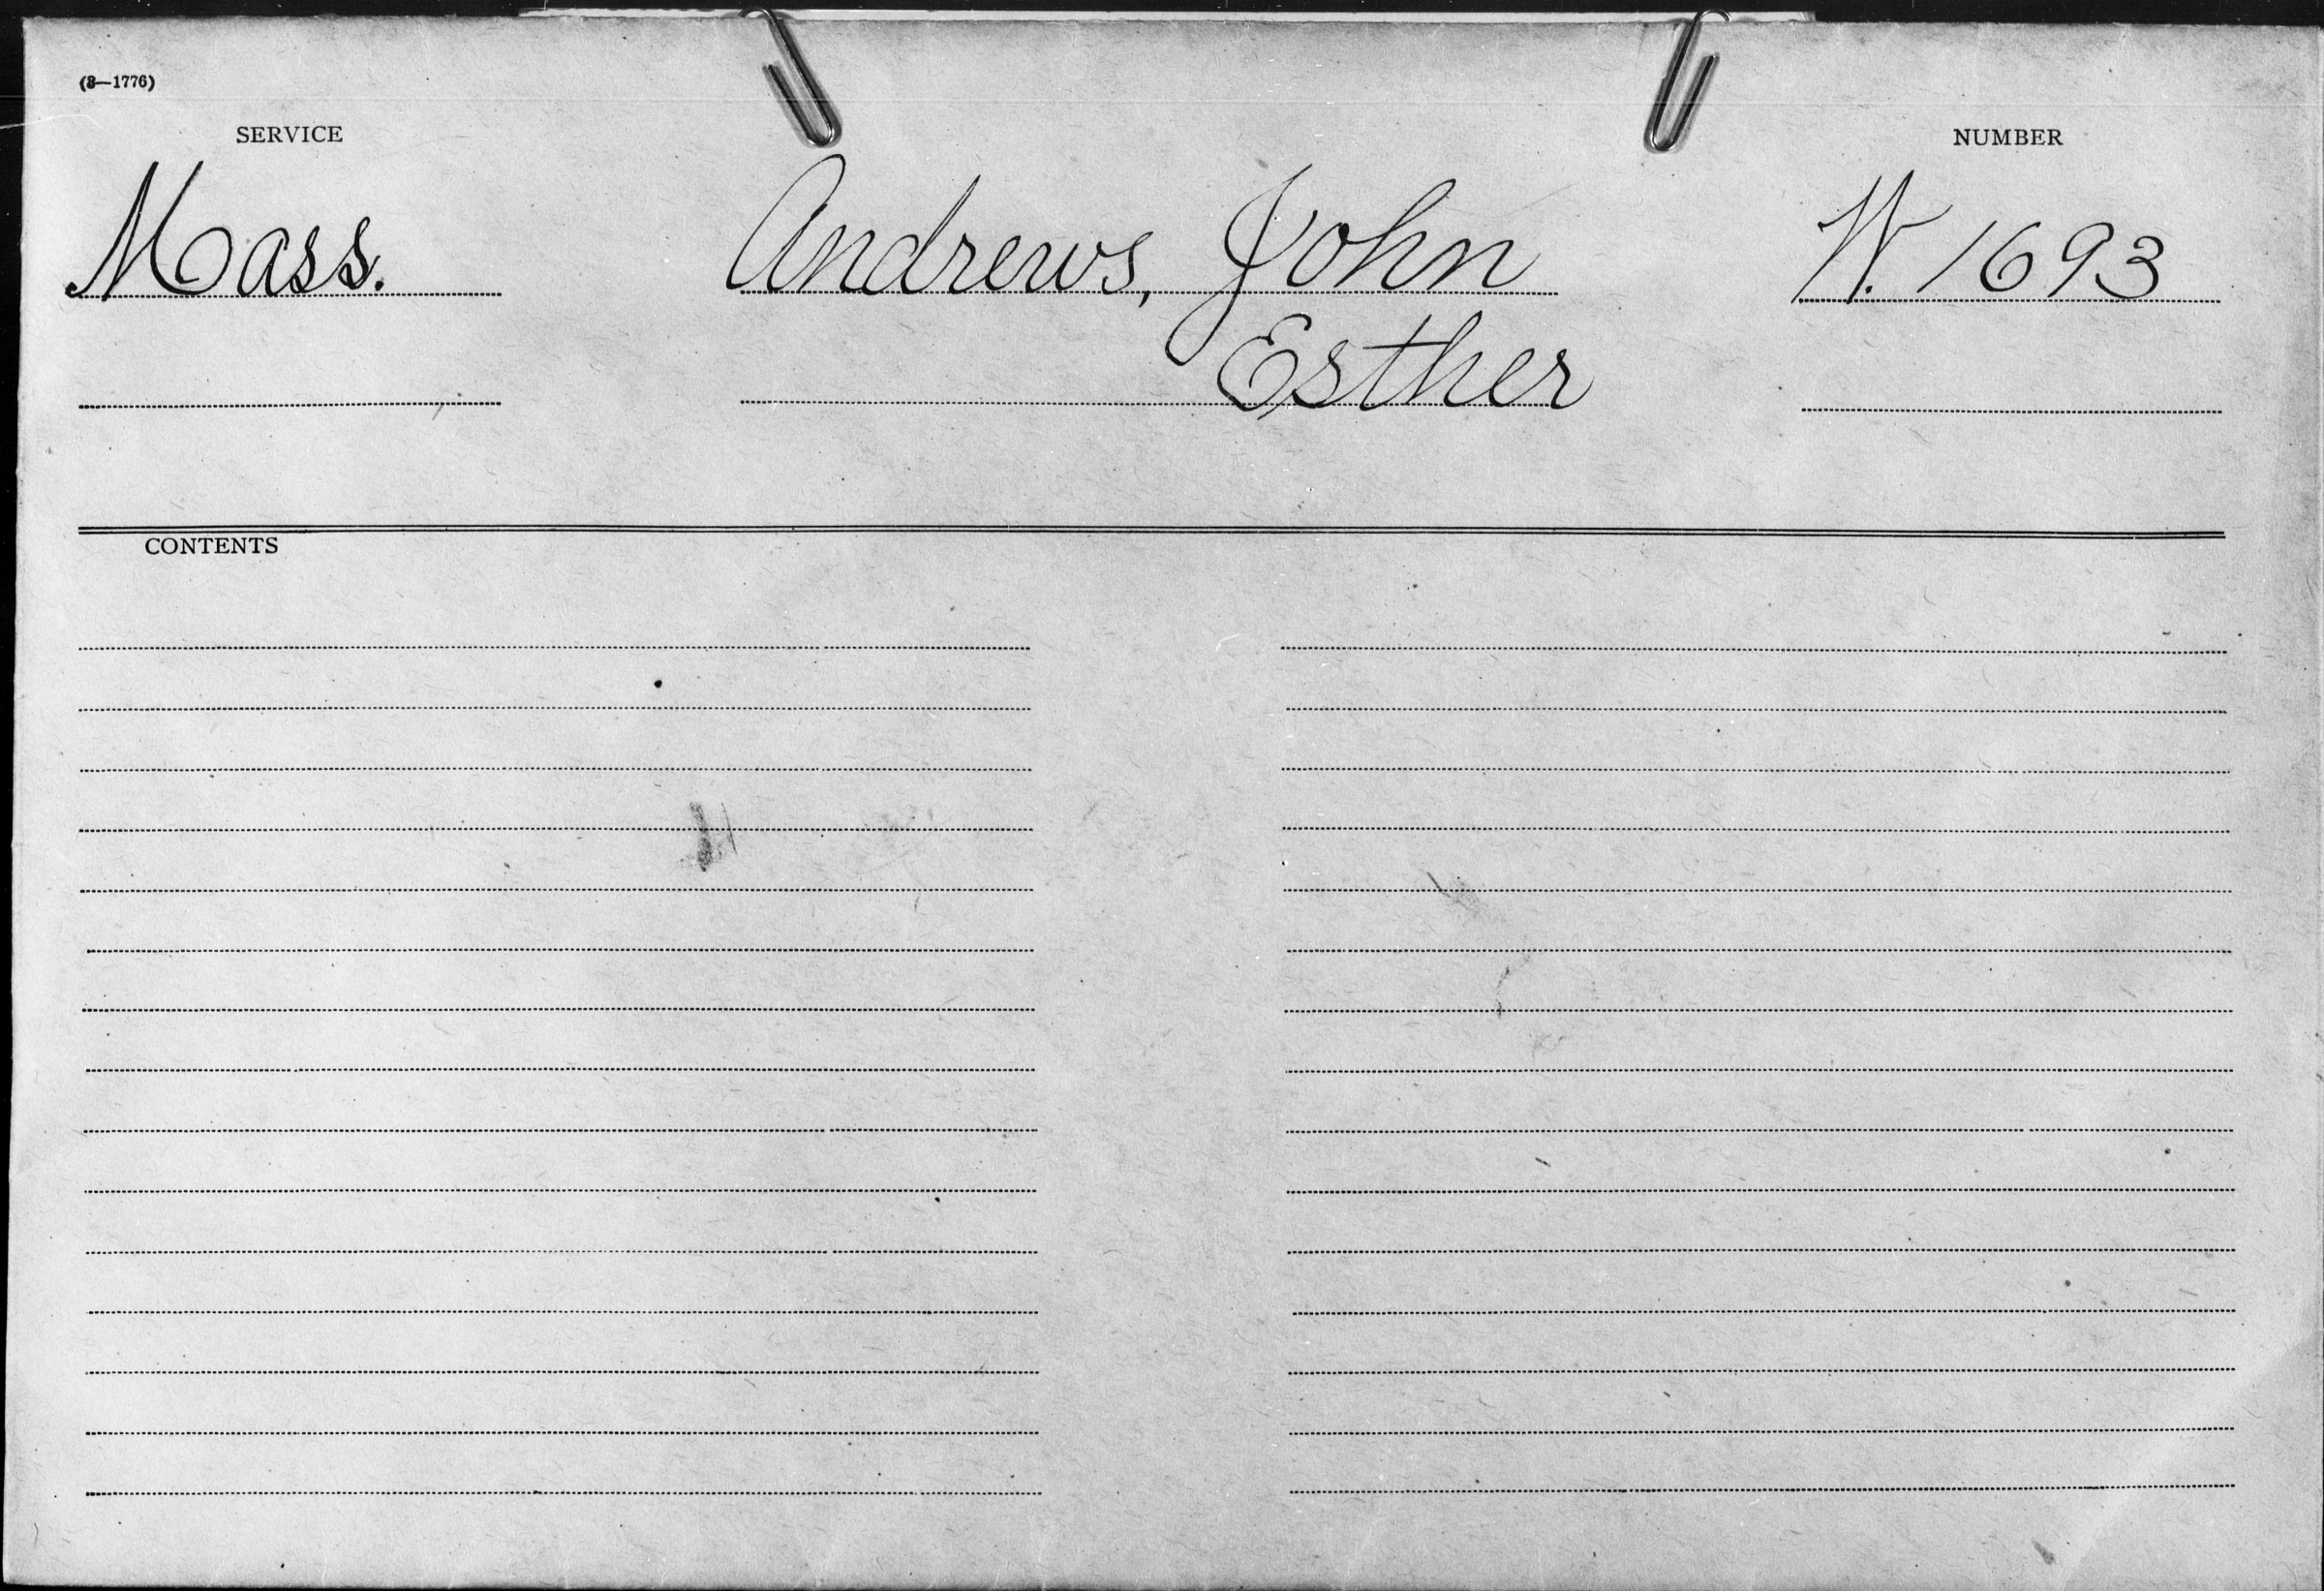Mass          Andrews, John                    W1693
                                    Esther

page: 1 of 23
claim: widow's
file: W. 1693, John Andrews, Mass.